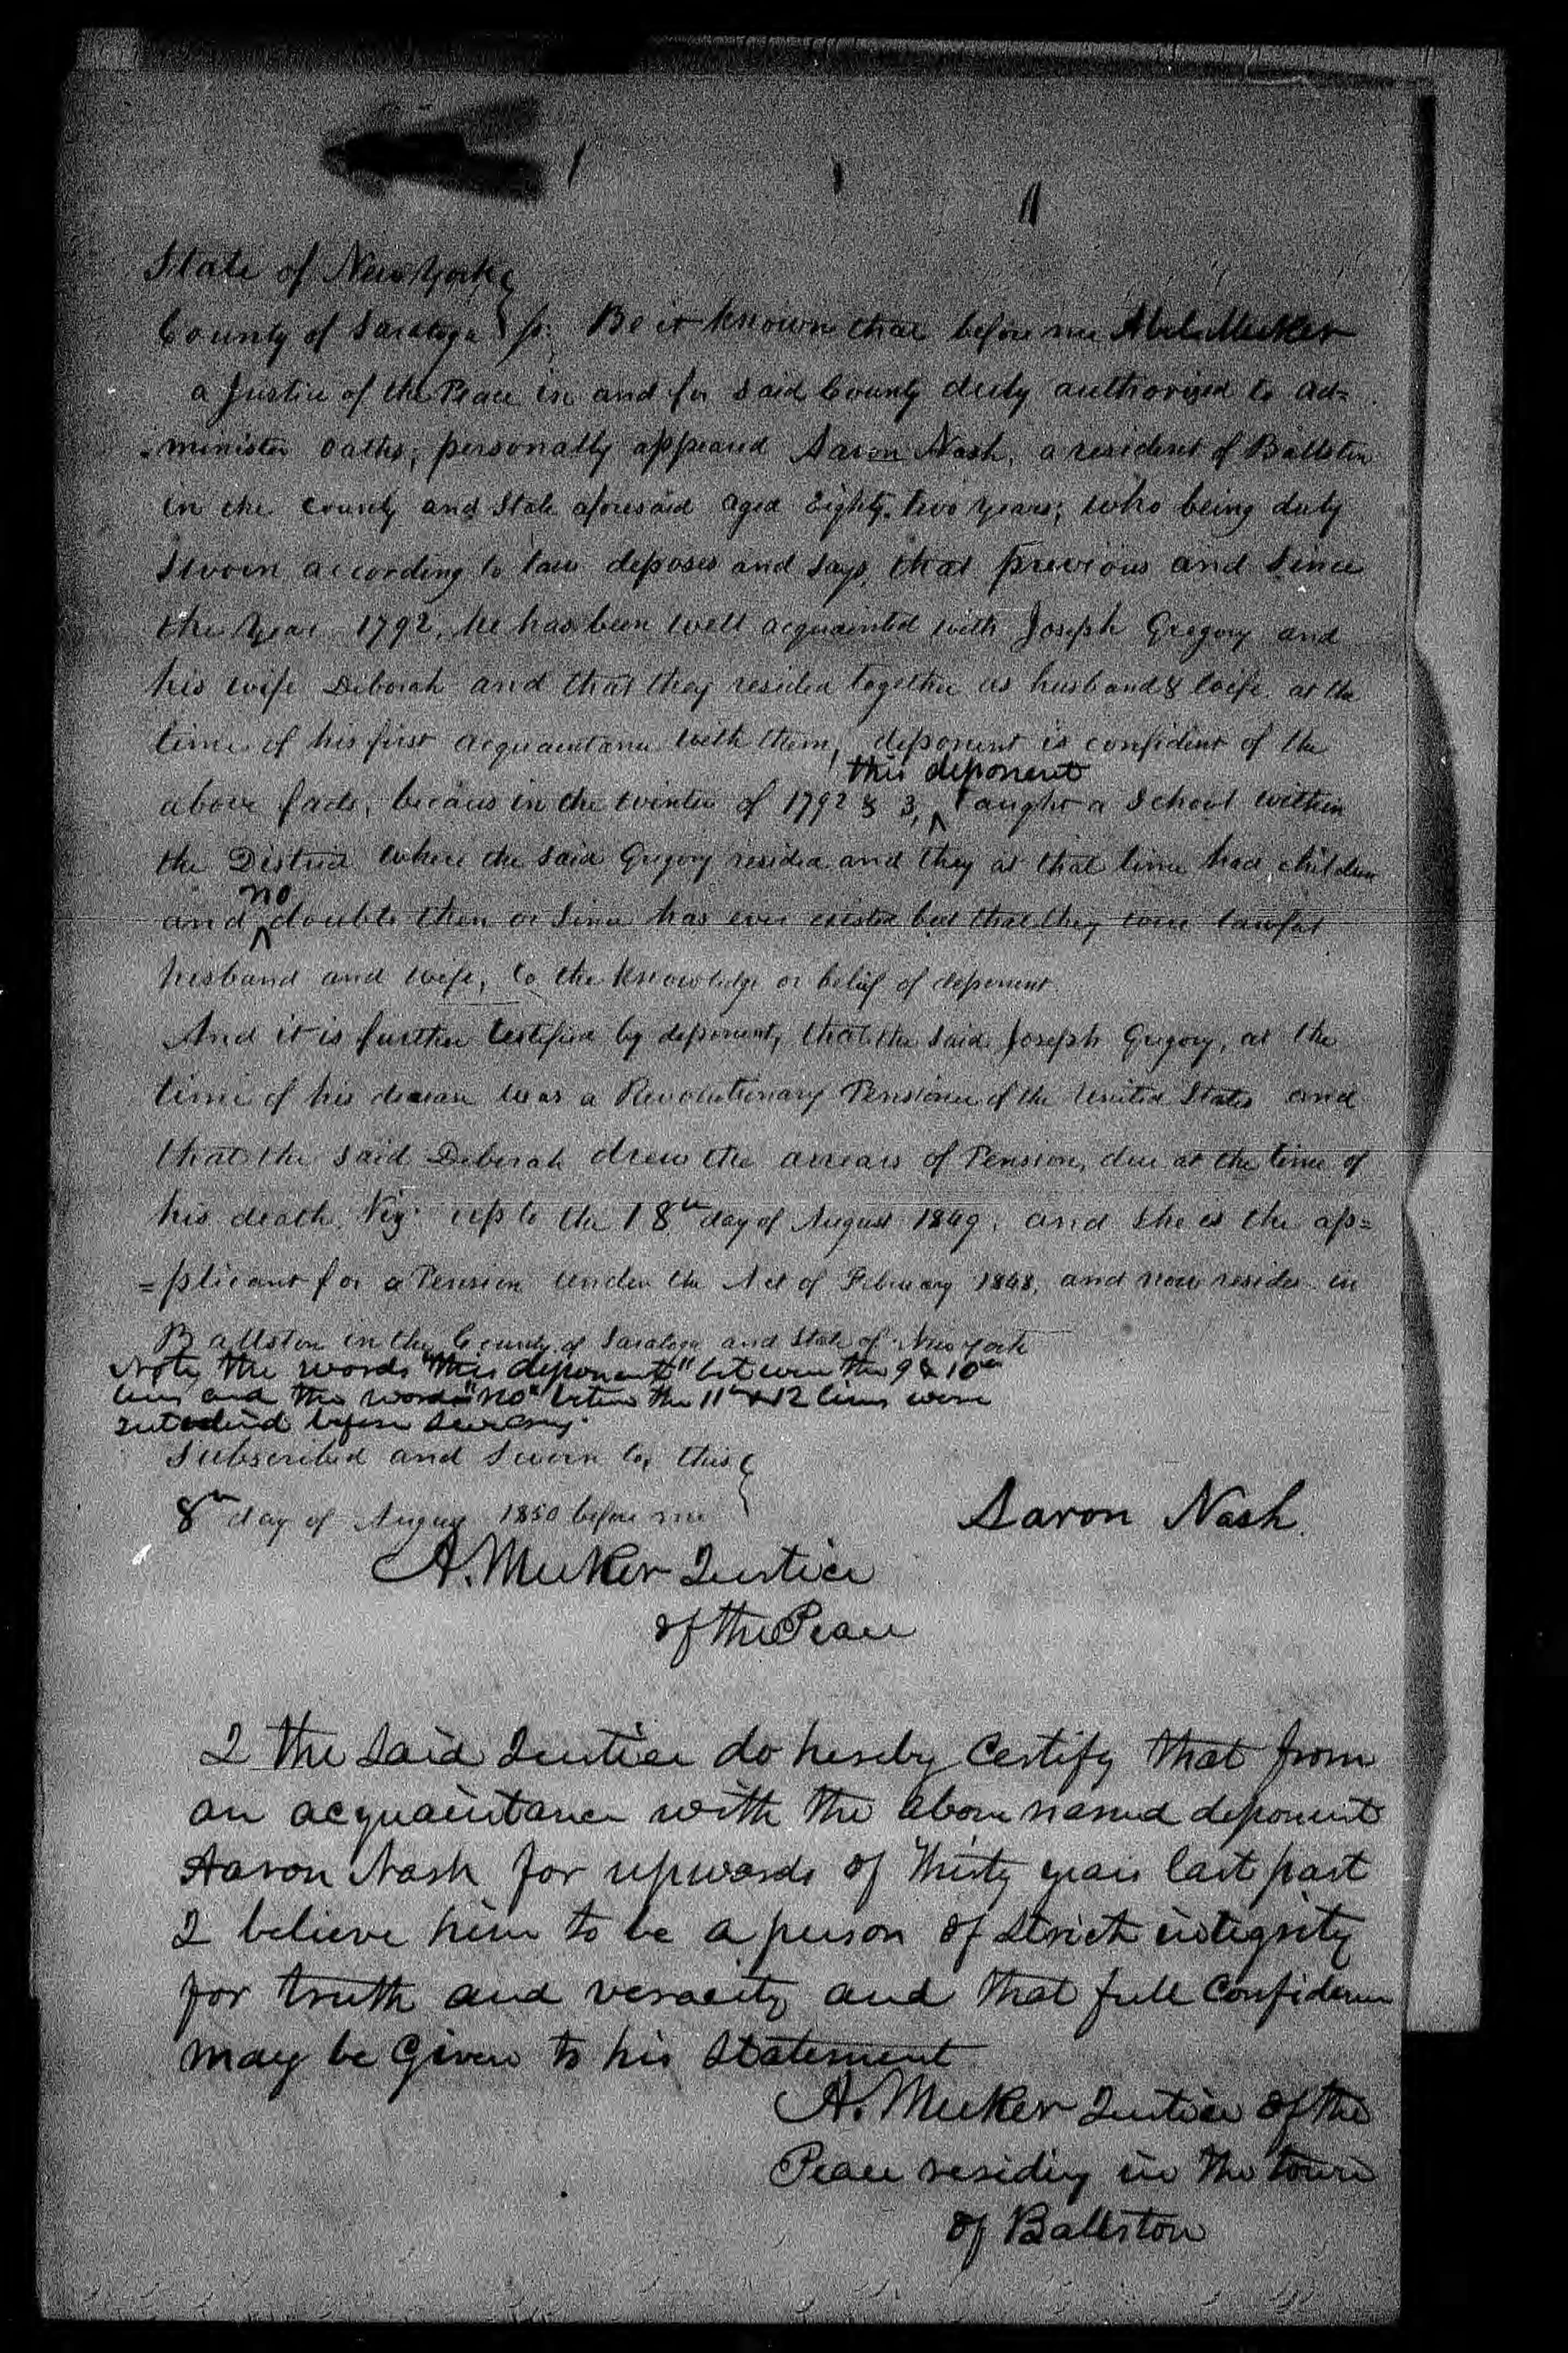State of New York
County of Saratoga}Ss. Be it known that before me Abel Meeker a Justice of the Peace in and for said county duly authorized to administer oaths, personally appeared Aaron Nash, a resident of Ballston in the county and state aforesaid aged eighty two years; who being duly sworn according to law deposes and says that previous and since the year 1792, he has been well acquainted with Joseph Gregory, and his wife Deborah and that they resided together as husband & wife at the time of his first acquaintance with them, deponent is confident of the above facts, because in the winter of 1792 & 3 this deponent taught a school within the District where the said Gregory resided and they at that time had children and no doubts then or since has ever existed but that they were lawful husband and wife, to the knowledge or believe of deponent.
And it is further testified by deponent, that the said Joseph Gregory, at the time of his decease, was a Revolutionary Pensioner of the United States and that the said Deborah drew the arrears of Pension due at the time of his death, viz up to the 18th day of August 1849 and she is the applicant for a Pension under the Act of February 1848, and now resides in Ballston in the county of Saratoga and state of New York.
Note the words "this deponent" between the 9 & 10th line and the words "no" between the 11 & 12 lines were interlined before swearing.
Subscribed and sworn to this 8 day of August 1850 before me A. Meeker Justice of the Peace
Aaron Nash

I the said Justice do hereby certify that from an acquaintance with the above named deponent Aaron Nash for upwards of thirty years last past I believe him to be a person of strict integrity for truth and veracity and that full confidence may be given to his statement.
A. Meeker Justice of the Peace residing in the town of Ballston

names: A Meeker, Aaron Nash, Joseph Gregory, Deborah, A Meeker, Joseph Gregory, Abel Meeker, Aaron Nash, Gregory, Aaron Nash, Deborah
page: 28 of 34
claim: widow's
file: W. 1596, Joseph Gregory, Conn.